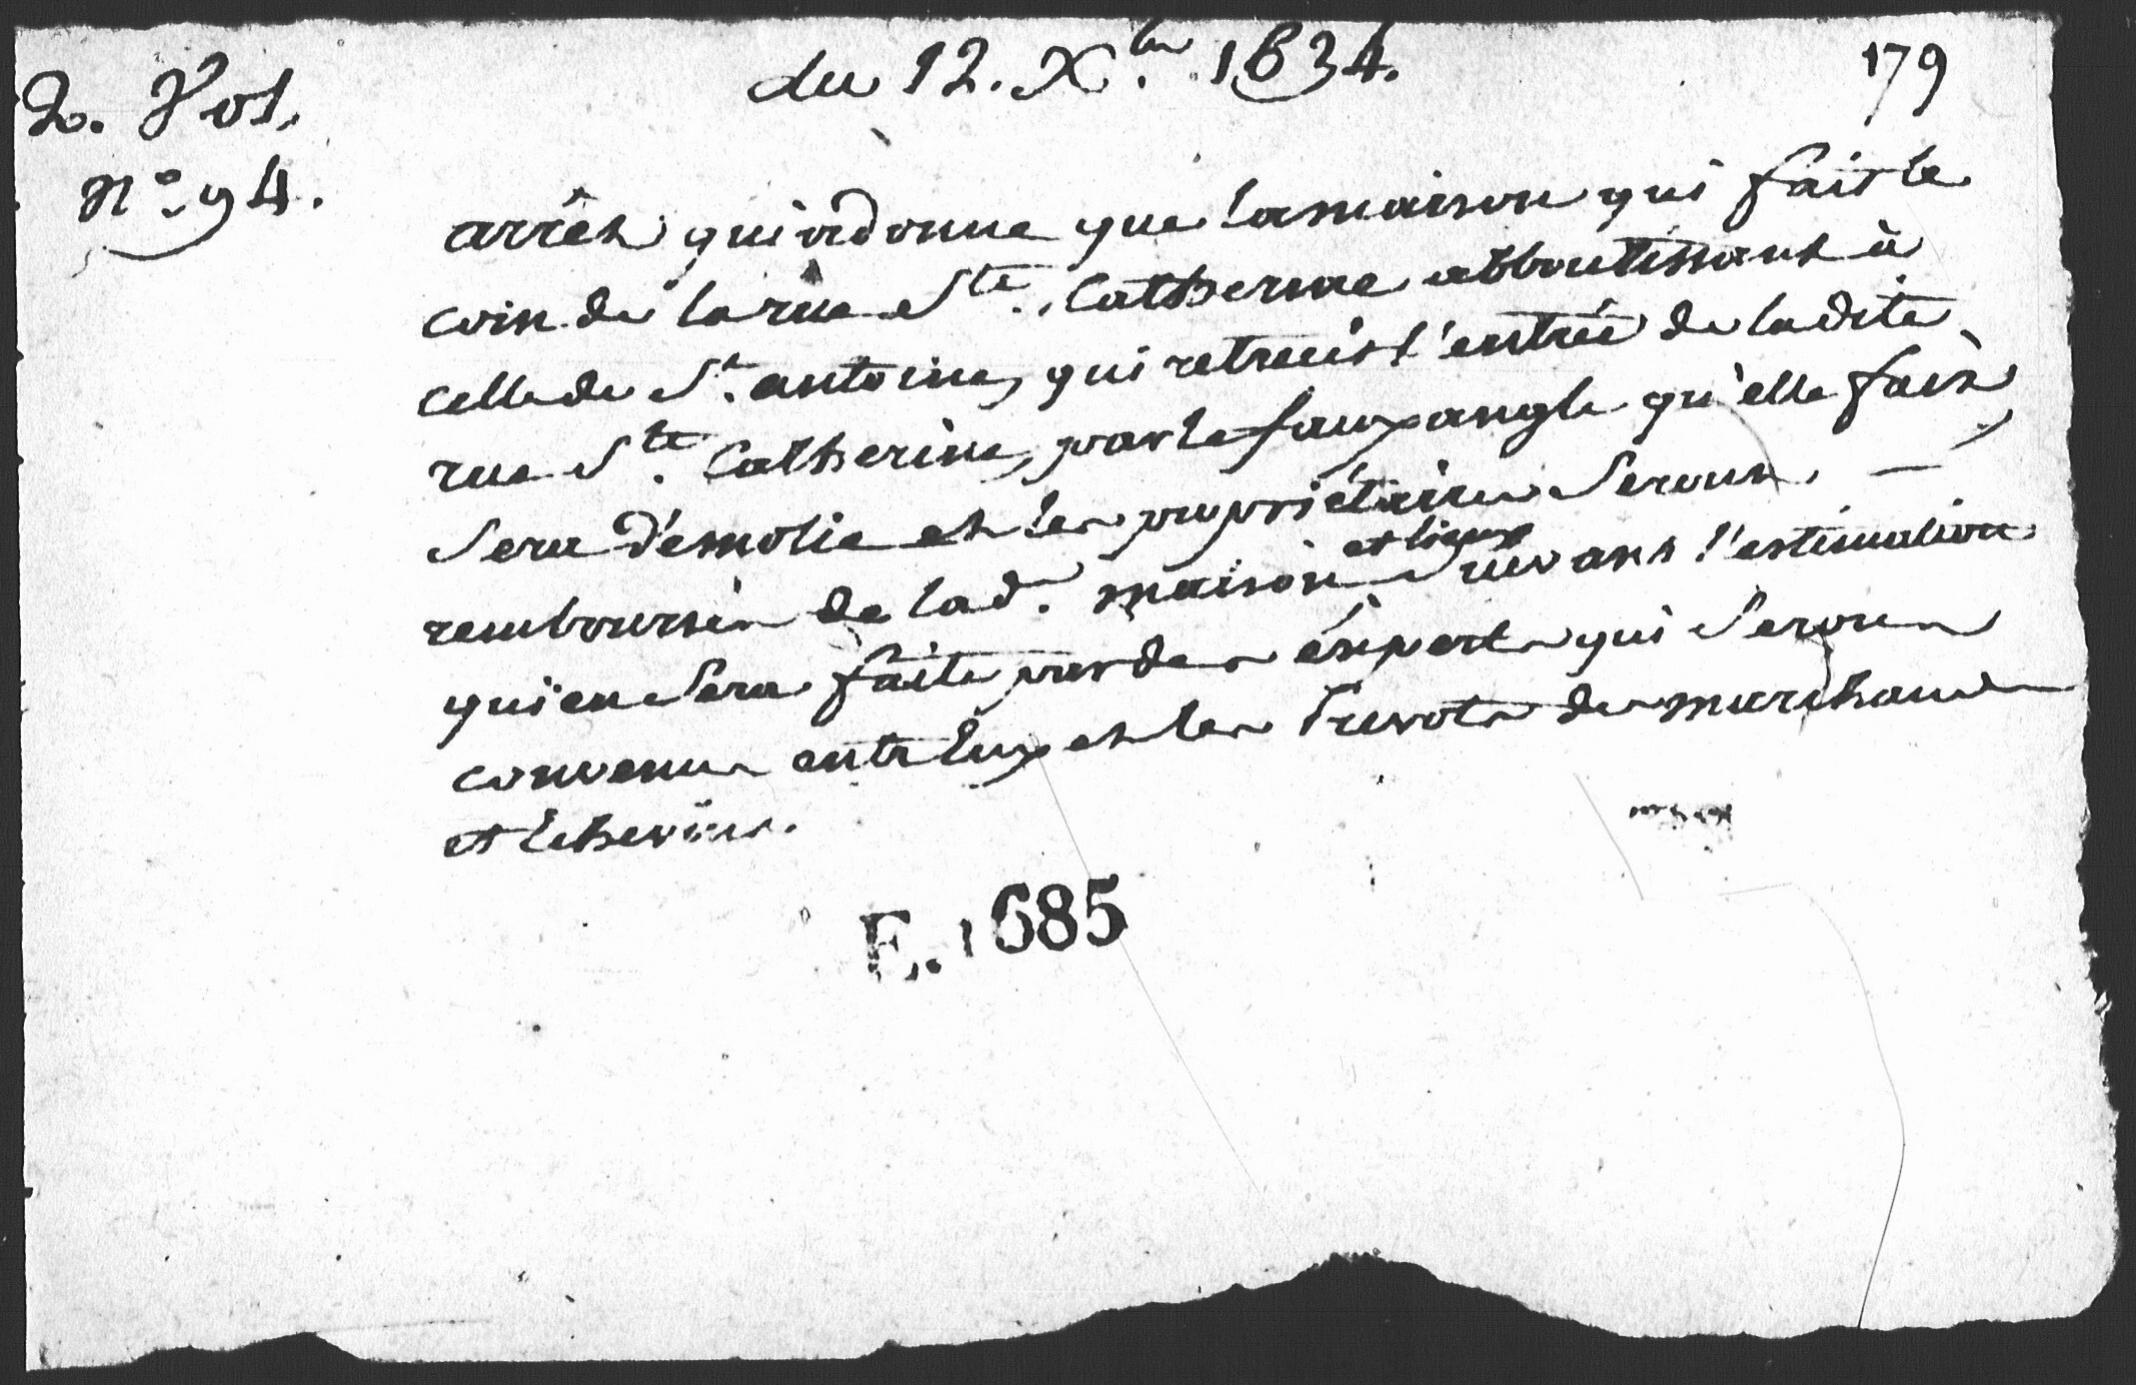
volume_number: n°94
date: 12 décembre 1634
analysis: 179
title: Arrêt qui ordonne que la maison qui fait le coin de la rue S.te Catherine abboutissant à celle de S.t antoine, qui retruit l’entrée de ladite rue S.te Caherine, par le faux angle qu’elle fait, sera démolie et les propriétaires seront remboursés de lad. maison et lieux suivant l’estimation qui en sera faite par des experts qui seront convenus entreux et les Prevots des marchands et echevins
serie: E
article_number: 1685
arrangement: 2. vol.
